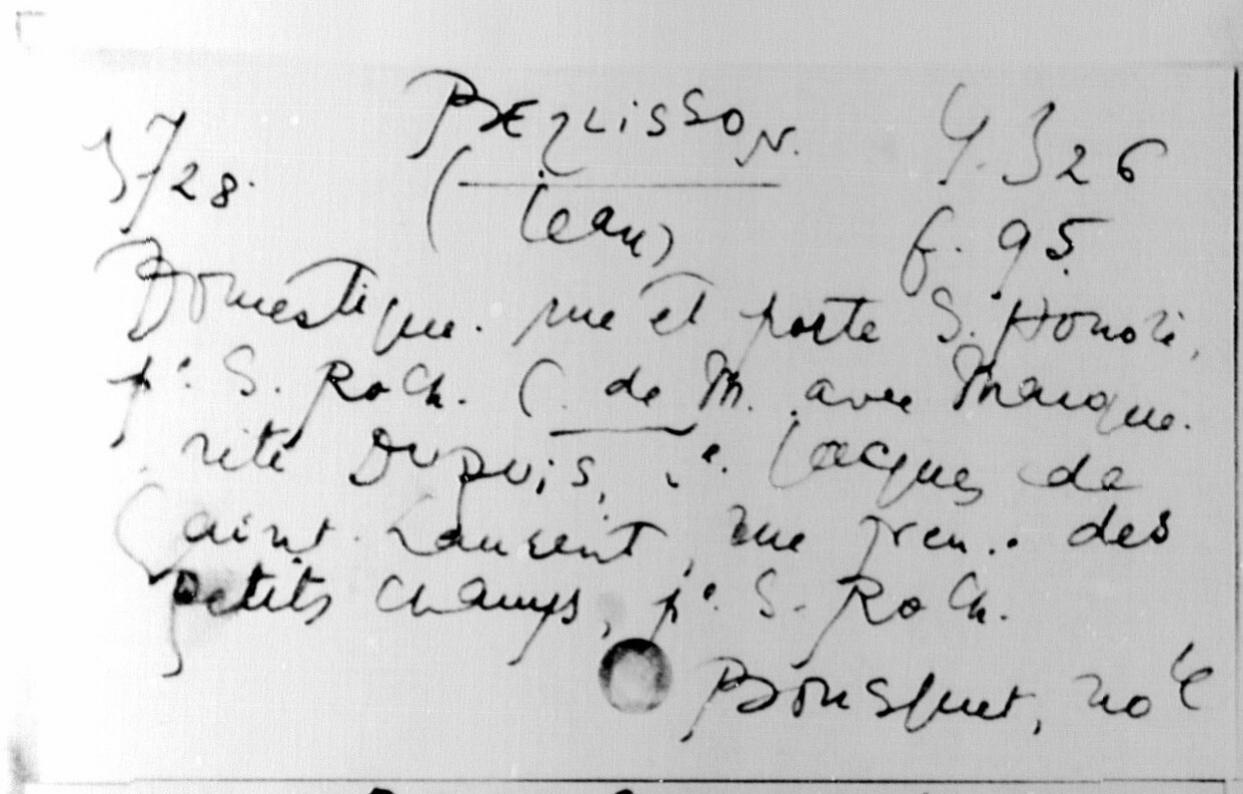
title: BELLISSON (Jean)
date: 1728
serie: Y
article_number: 326
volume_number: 95
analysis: Domestique, rue et parte Saint-Honoré, paroisse Saint-Roch. Contrat de mariage avec Marguerite DUPUIS, veuve Jacques de SAINT-LAURENT, rue Neuve-des-Petits champs, paroisse Saint-Roch. Bousfuet, notaire.
